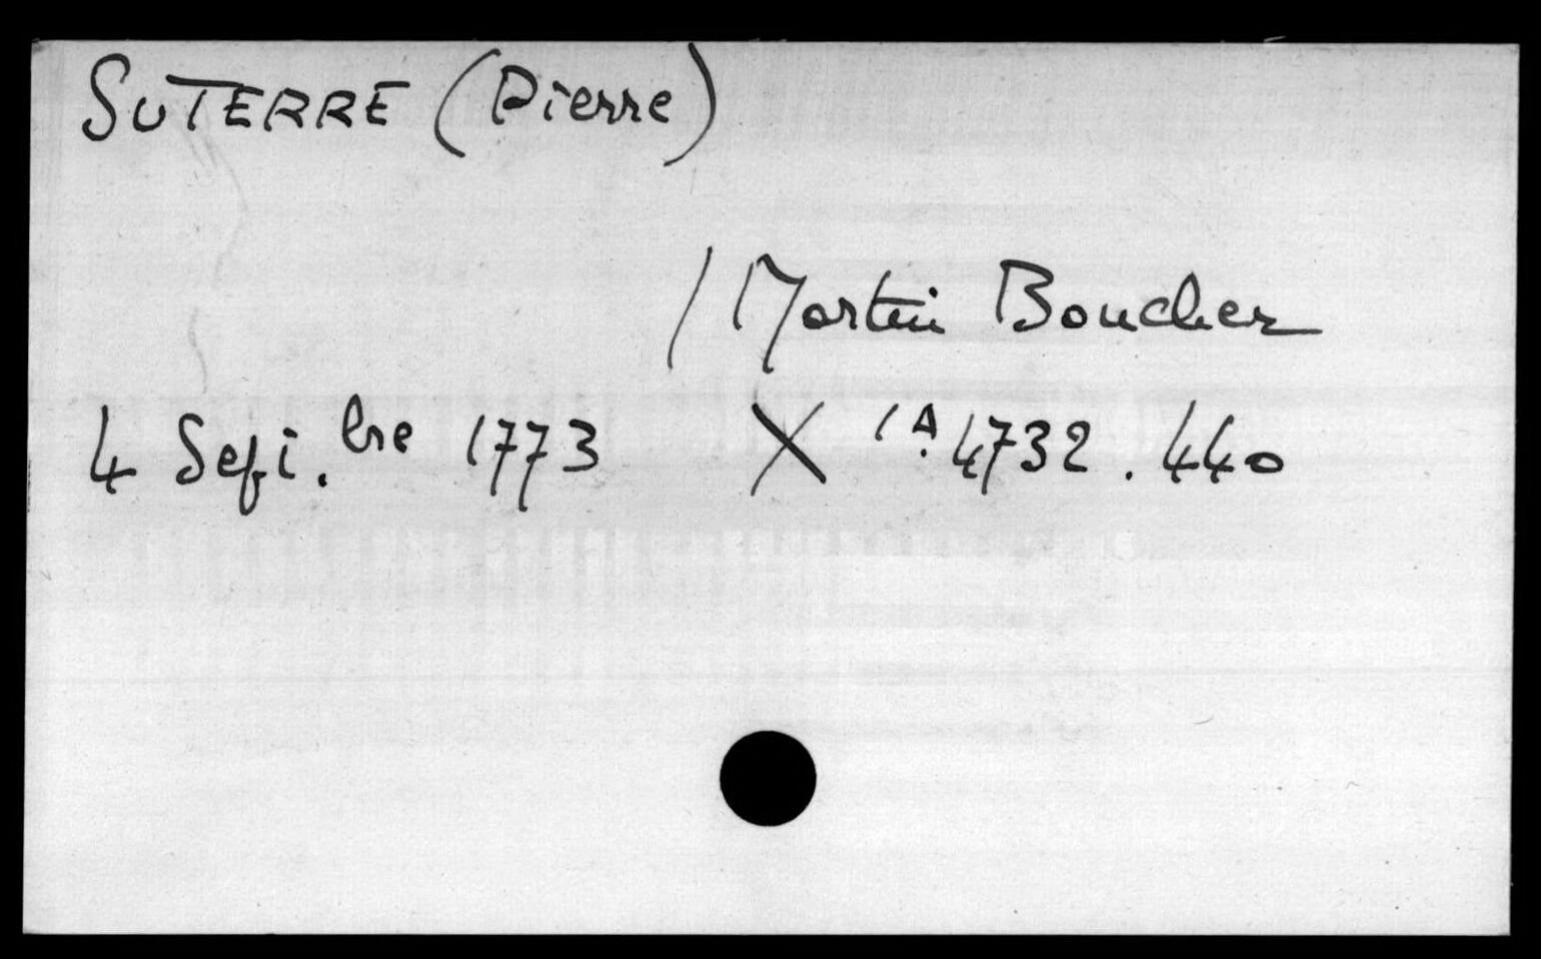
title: SUTERRE (Pierre)
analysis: Contre Martin Boucher
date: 4 septembre 1773
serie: X1A
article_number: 4732
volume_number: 440
